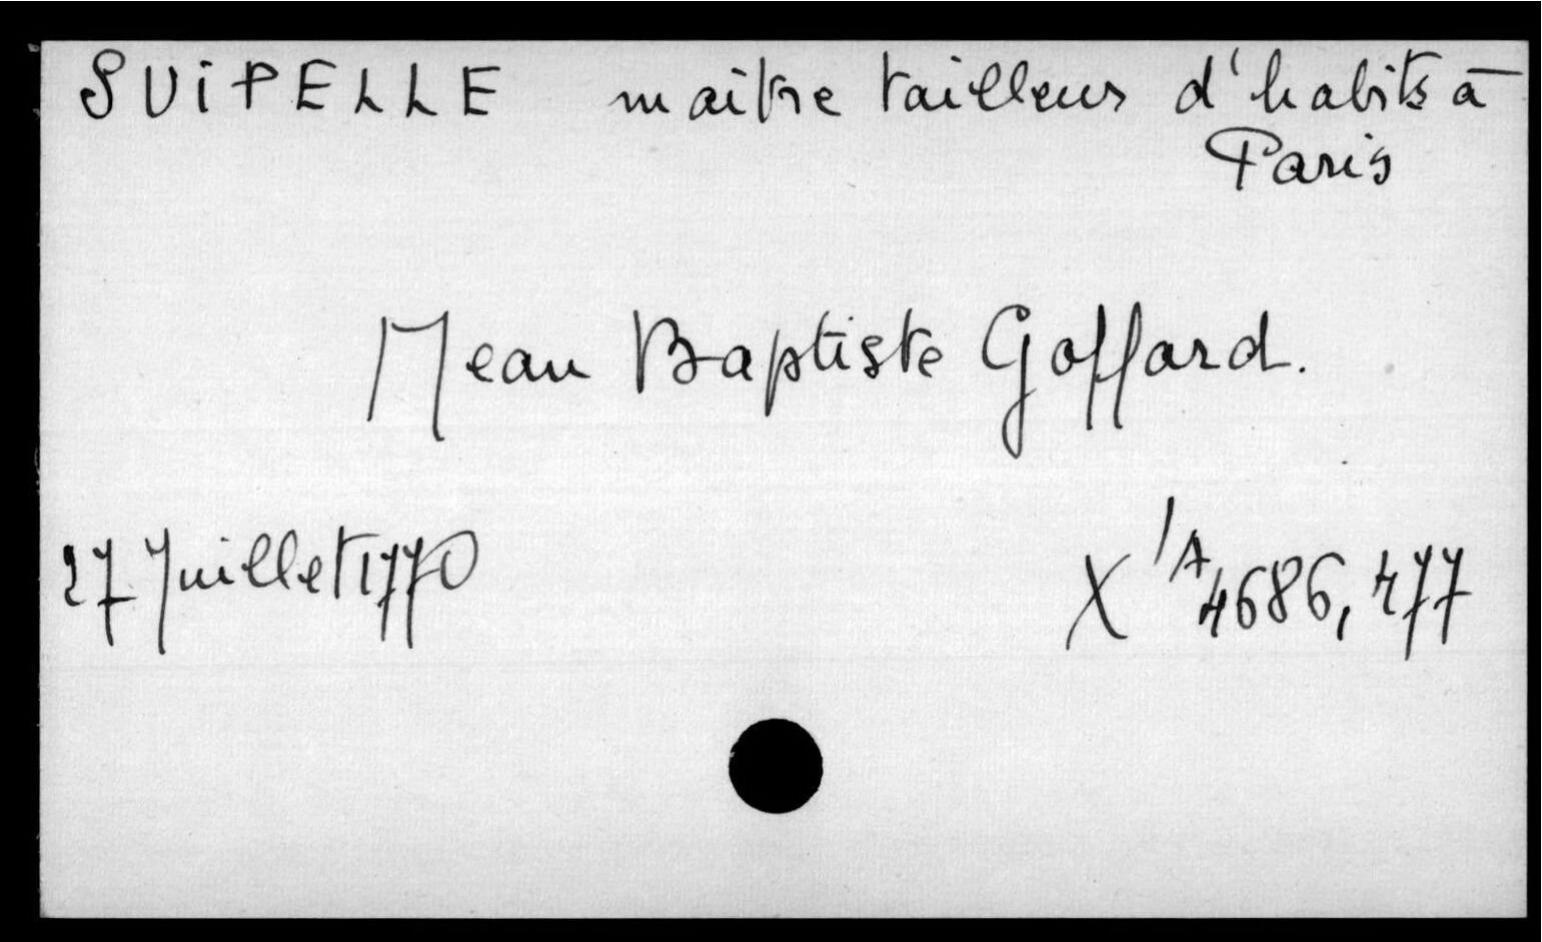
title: SUIPELLE maître tailleur d'habits à Paris
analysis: Contre Jean Baptiste Goffard
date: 27 juillet 1770
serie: X1A
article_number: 4686
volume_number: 477
